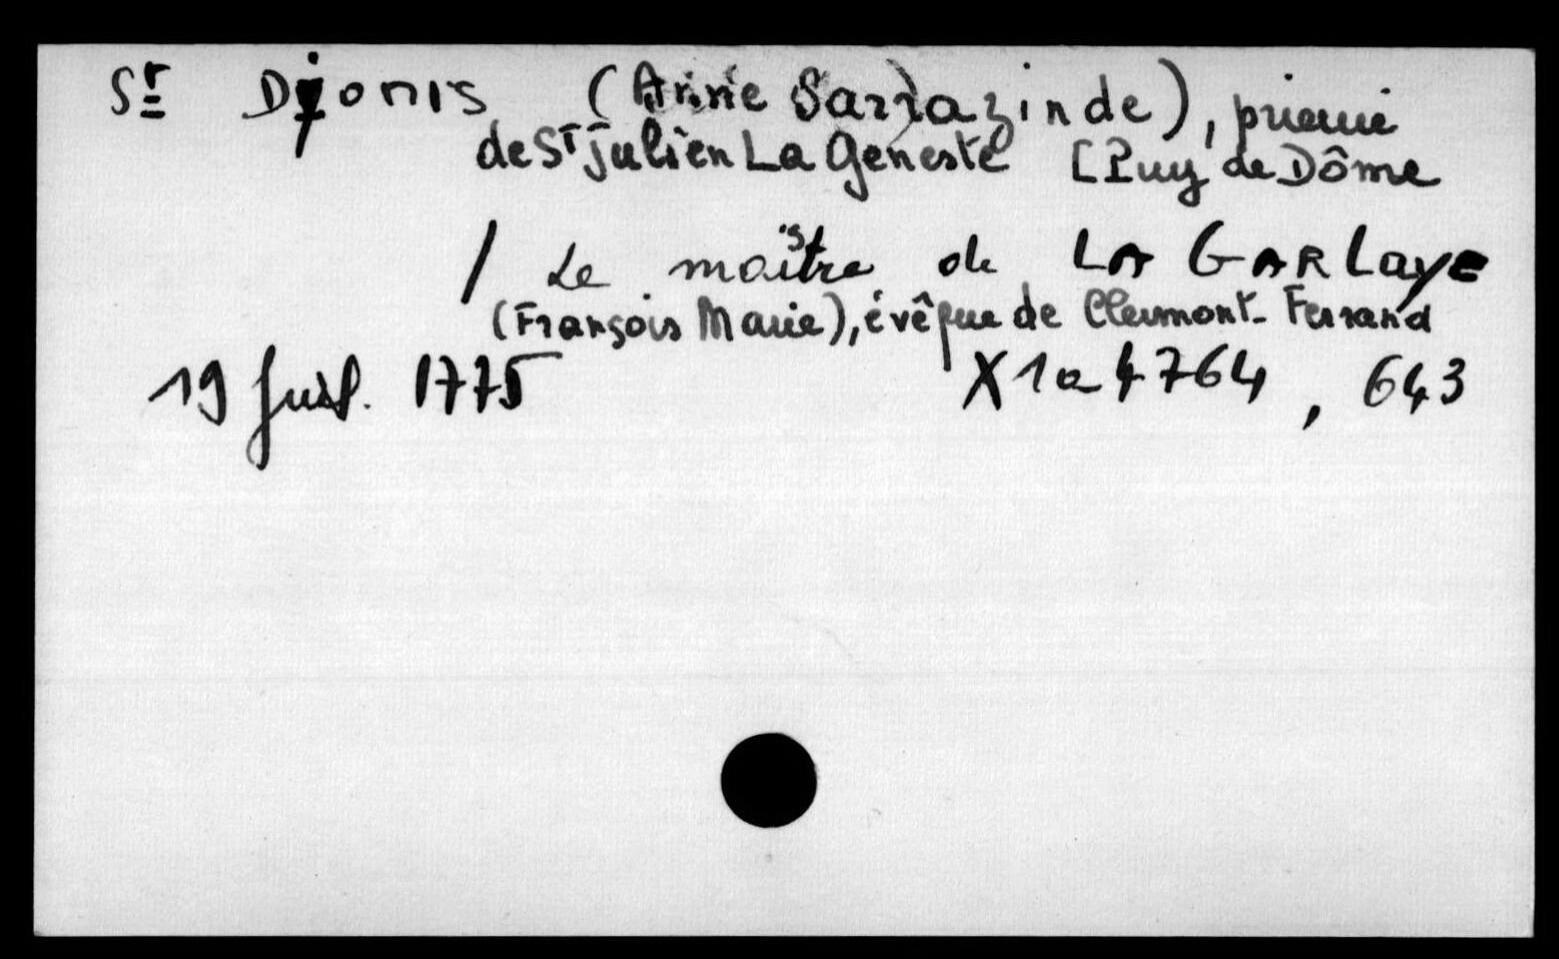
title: SAINT-DIONIS (Anne Sarrazin de), prieuré de Saint-julien La Geneste [Puy de Dôme]
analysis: Contre Le maître de La Garlaye (François Marie), évêque de Clermont-Ferrand
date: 19 juillet 1775
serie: X1A
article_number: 4764
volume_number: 643
